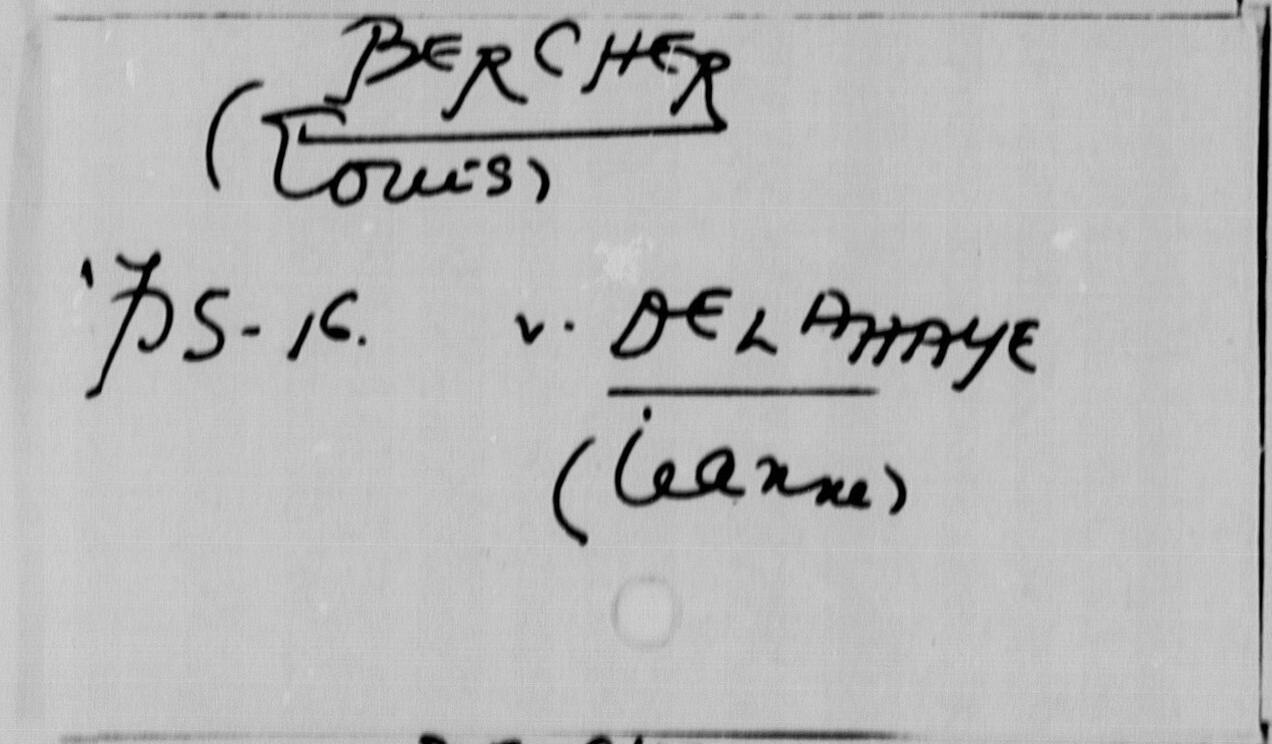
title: BERCHER (Louis)
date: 1715-1716
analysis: Voir : DELAHAYE (Jeanne)
